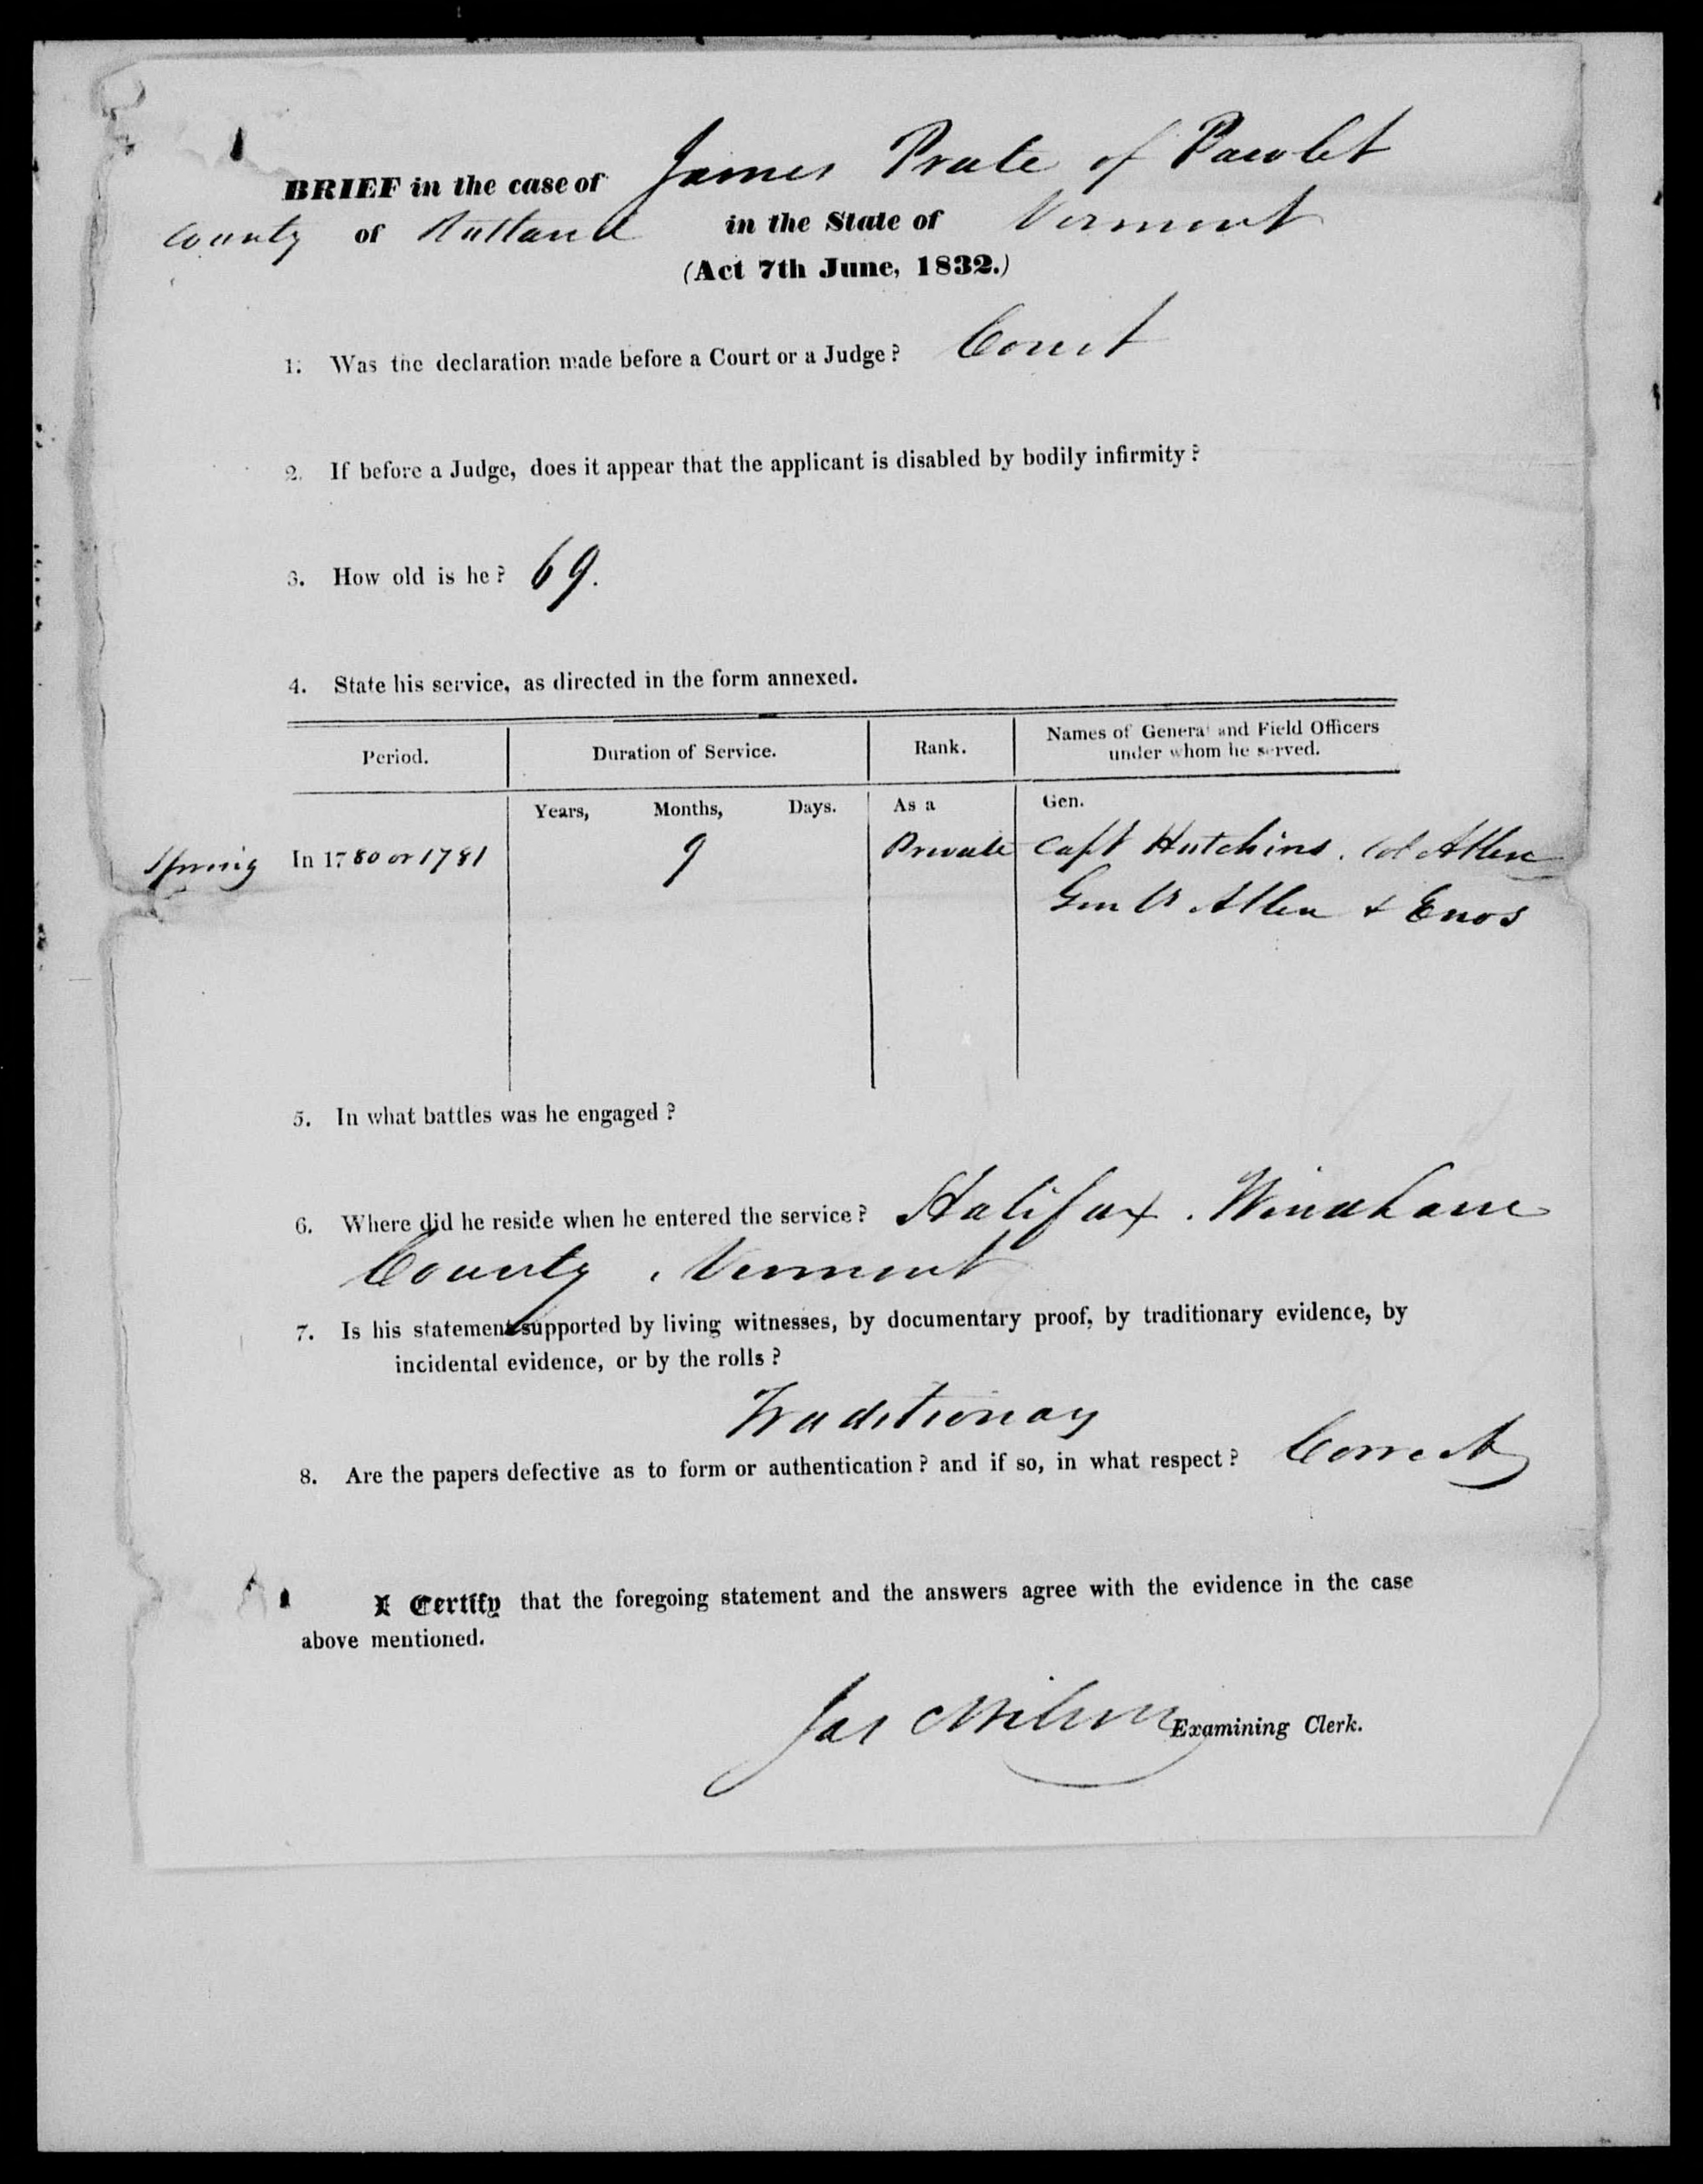BRIEF in the case of James Pratt of Pawlet
county of Rutland in the State of Vermont
(Act 7th June, 1832.)

1. Was the declaration made before a Court or a Judge? Court

2. If before a Judge, does it appear that the applicant is disabled by bodily infirmity?

3. How old is he? 69

4. State his service, as directed in the form annexed.
Period - Spring In 1780 or 1781
Duration of Service - 9 months 
Rank - As a Private
Names of General and Field Officers under whom he served. - 
Capt Hutchins, Col. Allen, Genls Allen & Enos

5. In what battles was he engaged?

6. Where did he reside when he entered the service? Halifax. Windham County, Vermont.

7. Is his statement supported by living witnesses, by documentary proof, by traditionary evidence, by
incidental evidence, or by the rolls?
Traditionary

8. Are the papers defective as to form or authentication? and if so, in what respect? Correct

I certify that the foregoing statement and the answers agree with the evidence in the case above mentioned.
Jas Miching Clerk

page: 11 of 29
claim: survivor's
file: S. 14,222, for James Pratt, Vermont